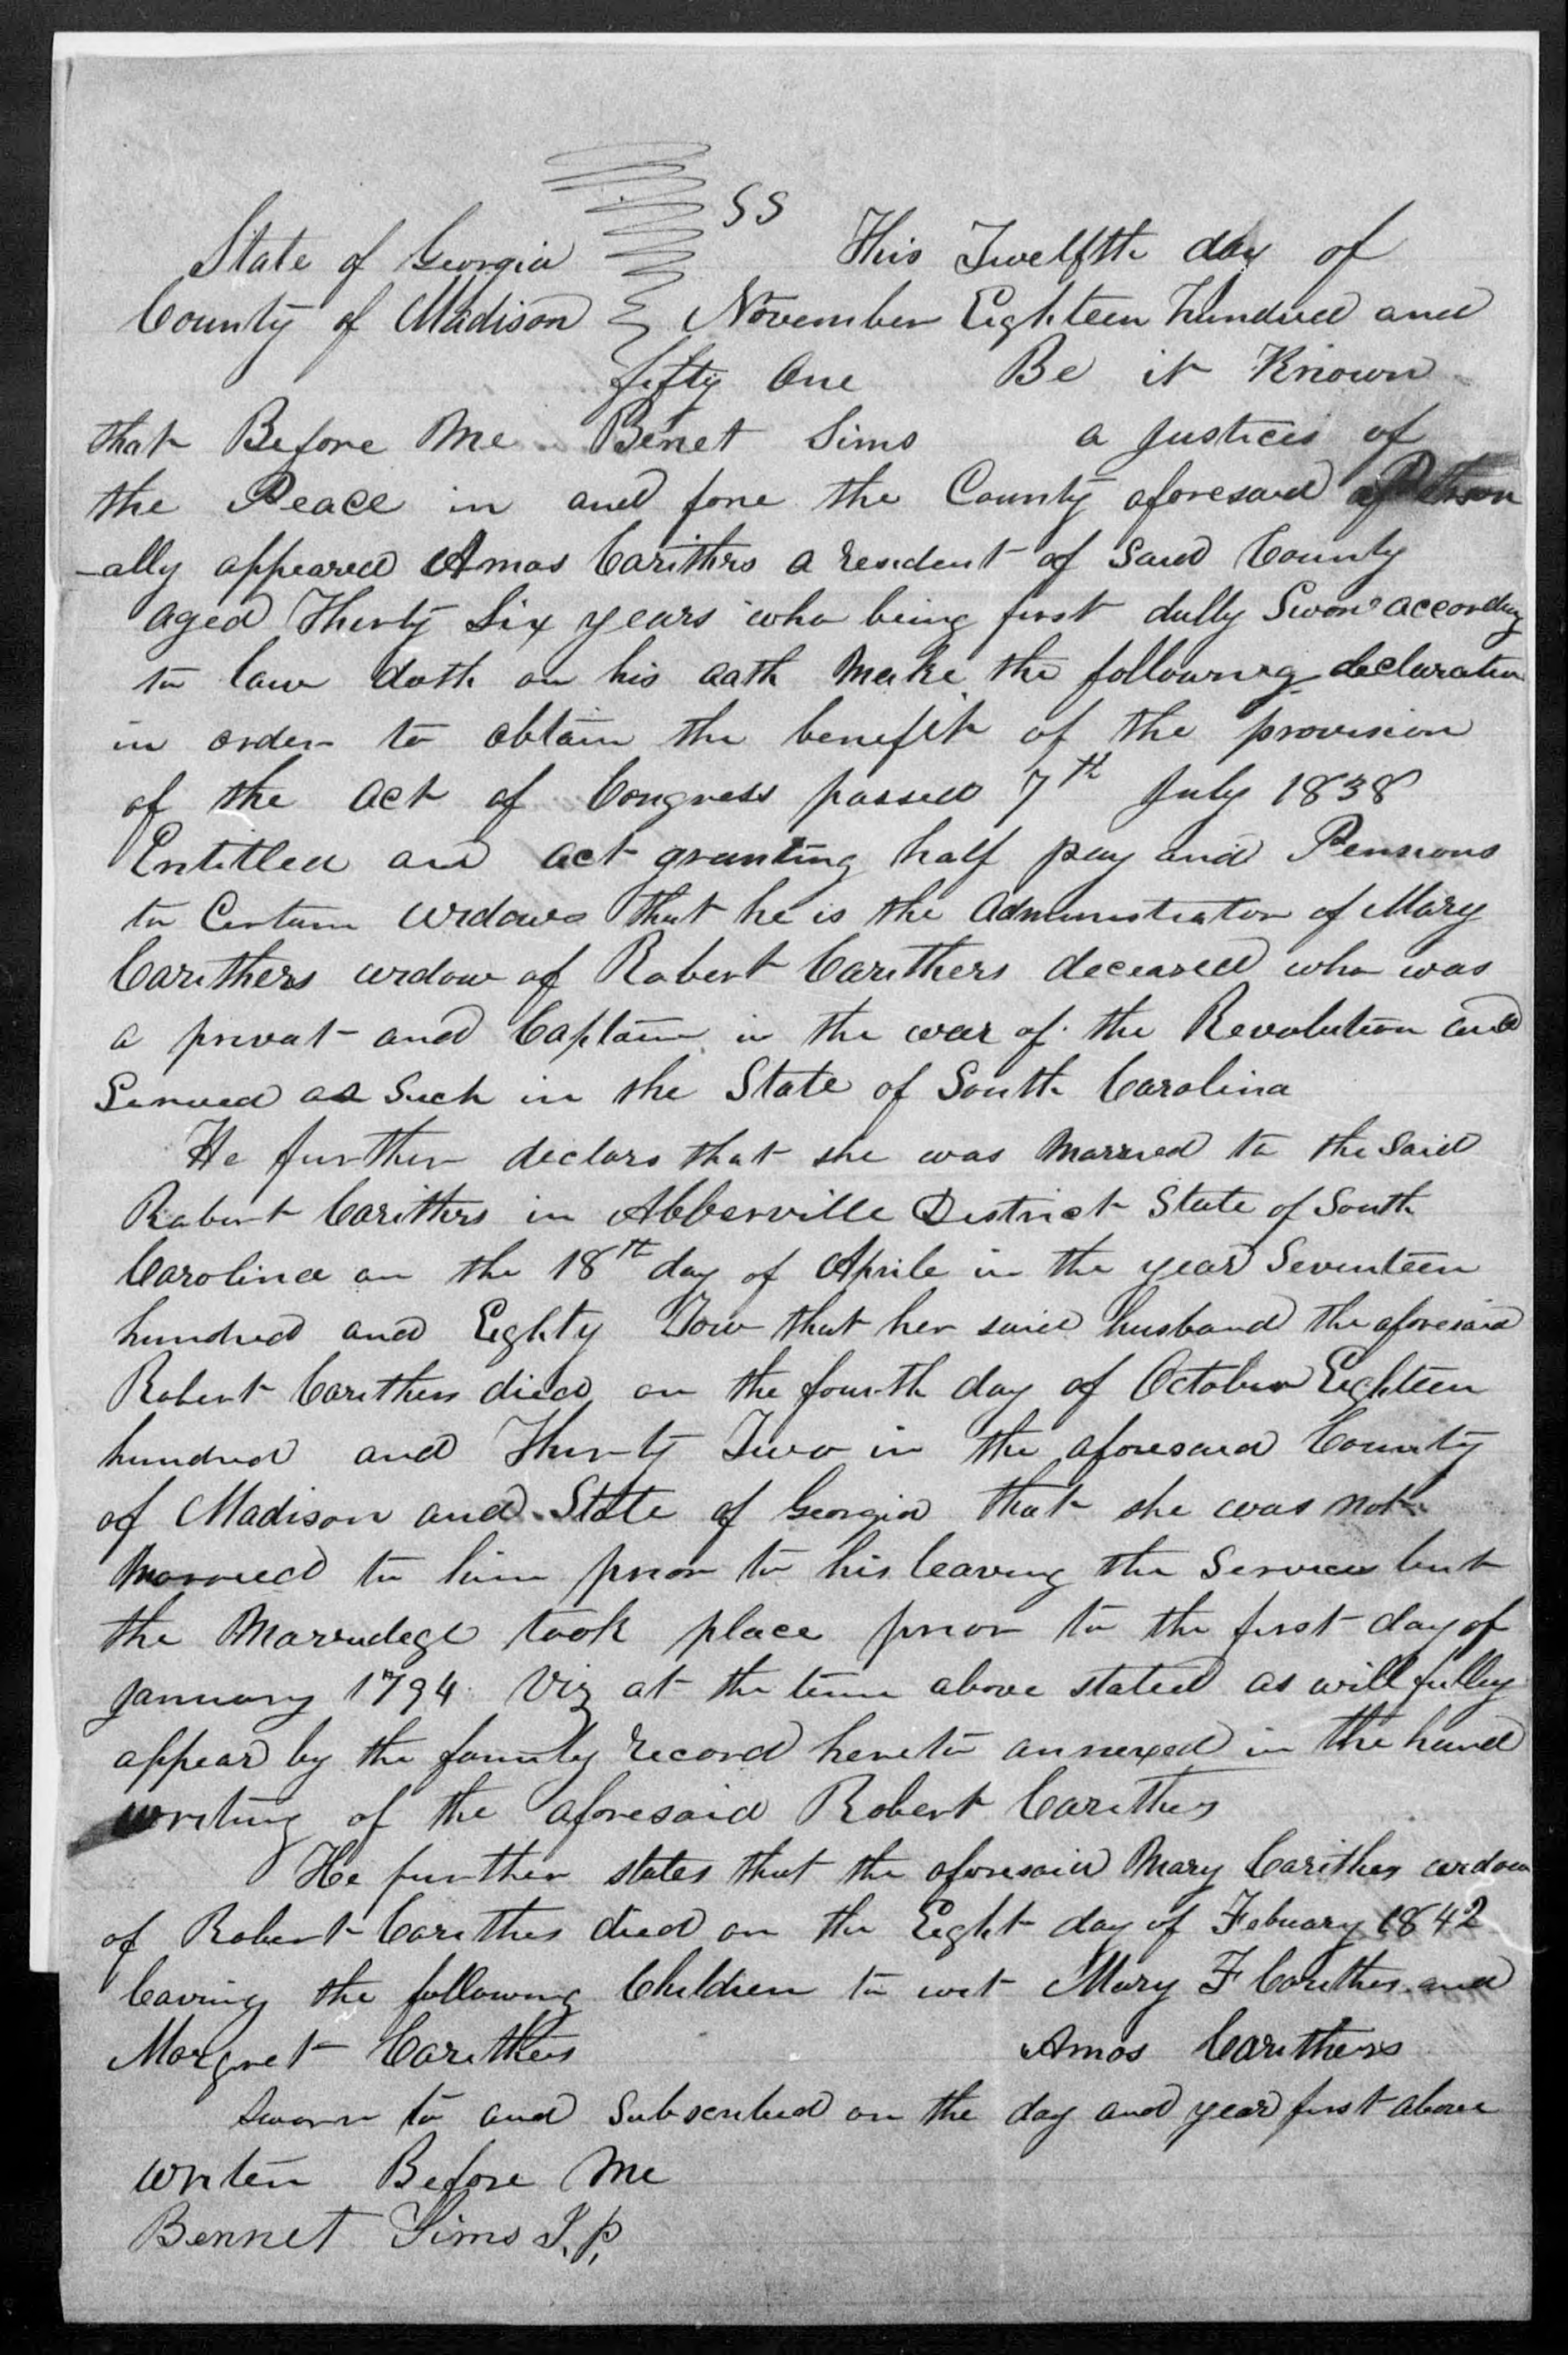[ State of Georgia County of Madison ] SS. This twelfth day of November eighteen hundred and fifty one. Be it known that before me Benet Sims a Justice of the Peace in and for the County aforesaid personally appeared  Amos Carithers a resident of said County aged thirty - six years who being first duly sworn according to law doth on his oath make the following declaration in order to obtain the benefit of the provision of the act of Congress passed 7th July 1838  Entitled an act granting half pay and Pensions to certain widows  that he is the Administrator of Mary Carithers widow of Robert Carithers deceased who was a private and Captain in the war of the Revolution and  served as such in the  State of South Carolina. He further declares that she was married to the said Robert Carithers in Abbeville District State of South Carolina on the 18th day of  April in the year seventeen hundred and eighty. Now that the said husband the aforesaid Robert  Carithers died on the fourth day of October eighteen hundred and thirty two in the aforesaid County of Madison and State of Georgia that she was  not married to him prior to his leaving the service but the marriage took place prior to the first day of January 1794 viz at the time above stated as will fully appear by the family record hereto annexed in the hand writing of the aforesaid Robert Carithers. He further states that the aforesaid Mary Carithers widow of Robert Carithers died on the eight day of February  1842 leaving the following children to qit Mary F. Carithers  and Margret Carithers.    Amos Carithers ( signed )  Sworn to and subscribed  on the day and year first above written before me. Bennet Sims ( signed ) J.P.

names: Bennet Sims, Mary F Carithers, Robert Carithers, Mary Carithers, Margret Carithers, Amos Carithers, Benet Sims, Mary Carithers, Amos Carithers, Robert Carithers, Robert Carithers, Robert Carithers, Robert Carithers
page: 10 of 33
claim: widow's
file: W. 23779, Robert Carithers, S.C.